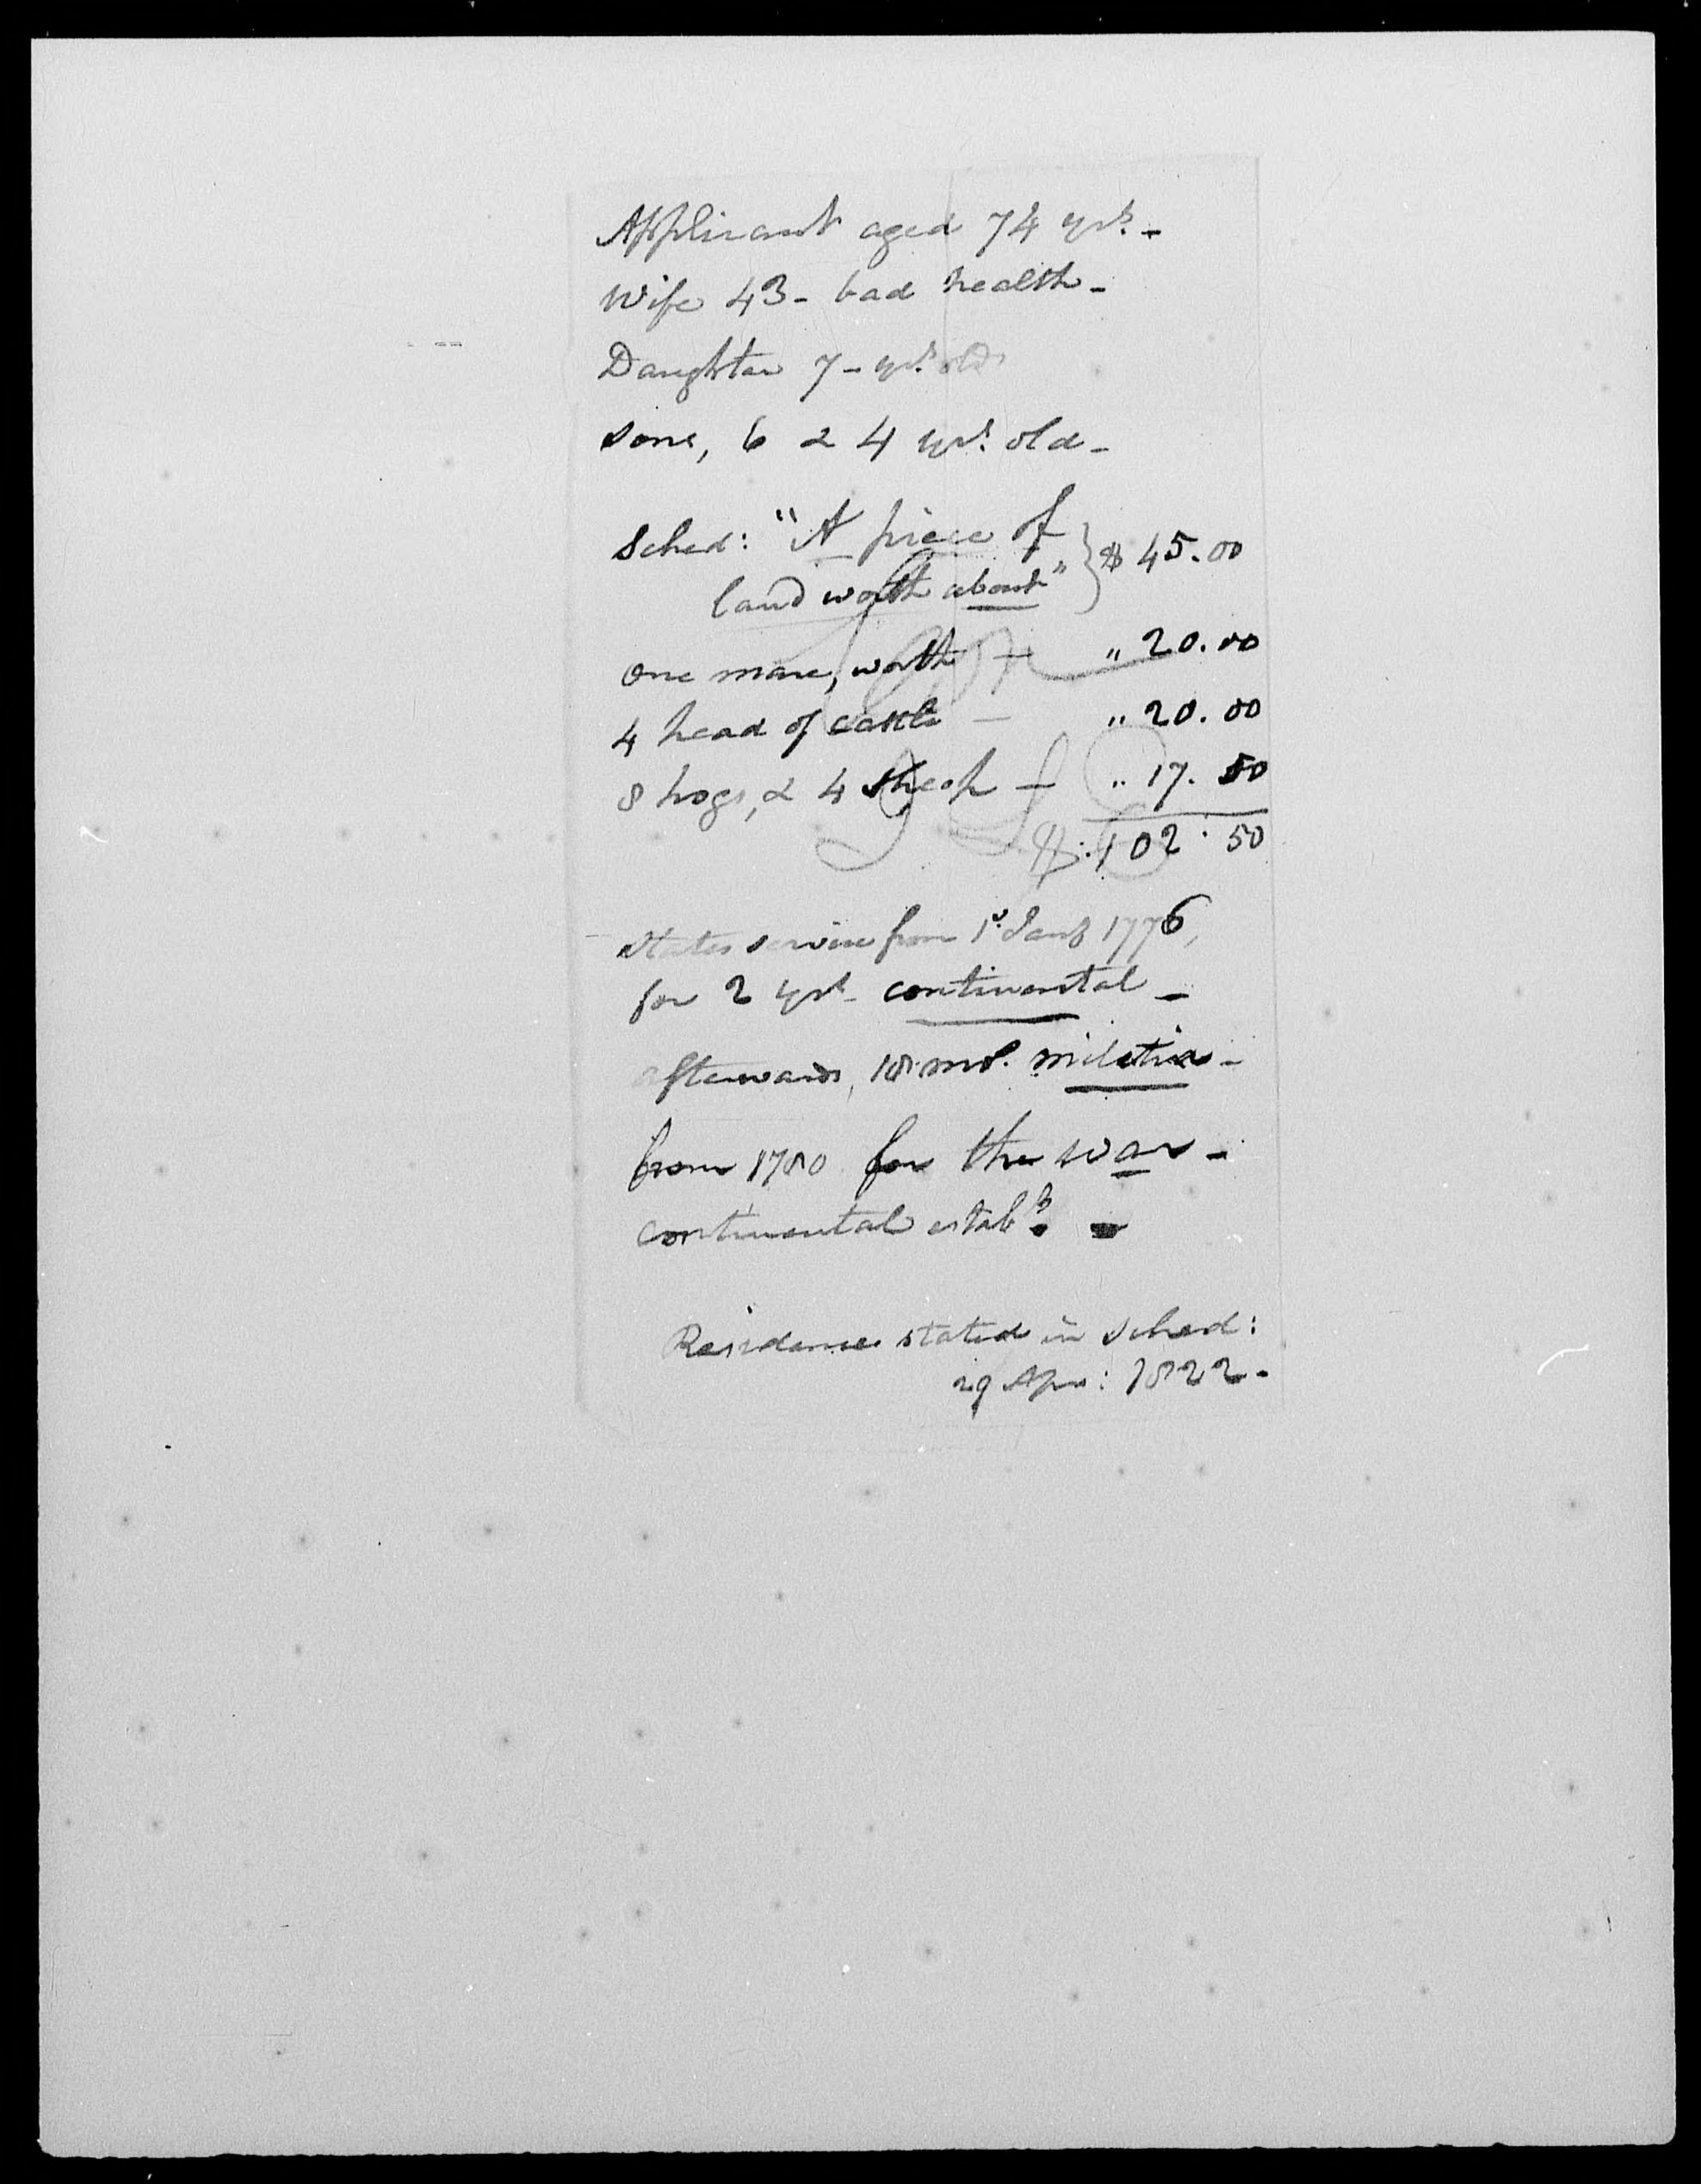Applicant aged 74 yrs.
Wife 43 - bad health -
Daughter 7 - yrs. old
Sons, 6 & 4 yrs. old -
Sched: "A piece of land worth about"} $45.00
One more, worth - " 20.00
4 head of cattle - "20.00
8 hogs & 4 sheep - " 17.50
                               $102.50
States service form 1st Jan 1776, for 2 yrs. Continental-
afterwards 10 mths. militia- 
from 1780 for the war-
continental state 
residence started in school:
[illegible]: 1822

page: 13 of 19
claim: survivor's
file: S. 39,224, John Brockus, Va.